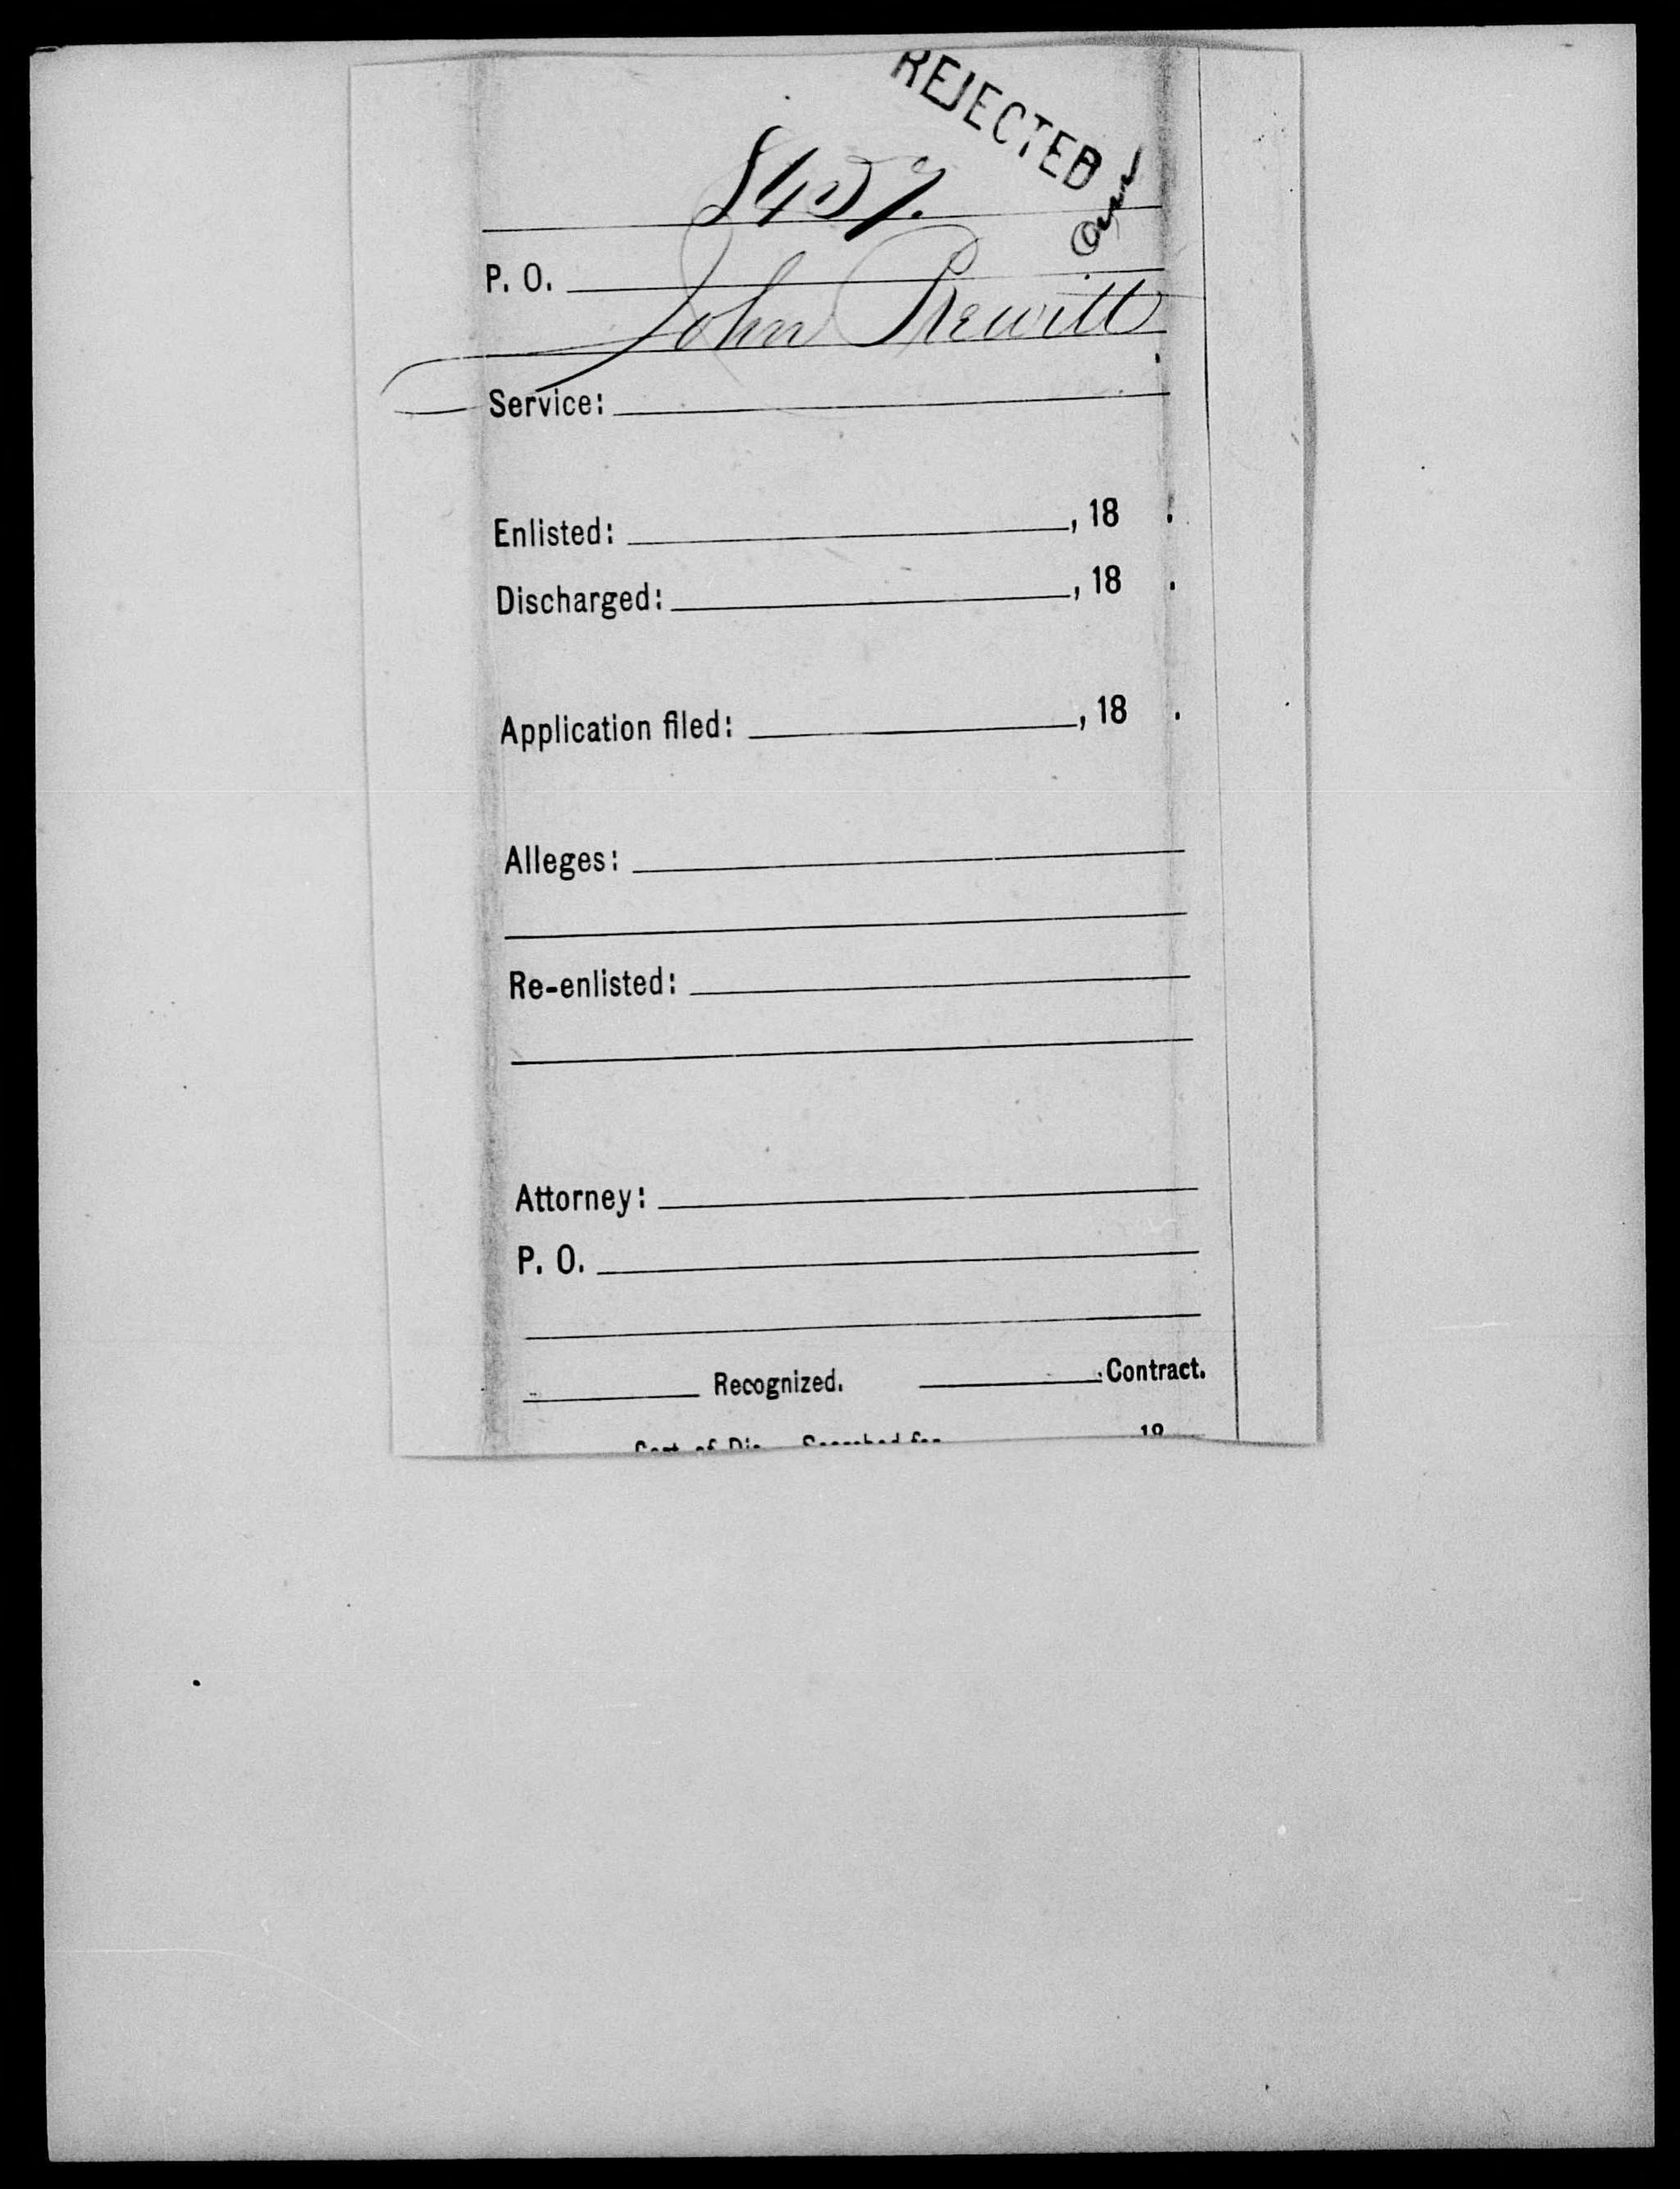REJECTED
8457.
P.O.
John Prewitt
Service:
Enlisted: ____, 18
Discharged: _____, 18
Application filed: ______, 18
Alleges:
Re-enlisted:
Attorney:
P.O.
______ Recognized. _____ Contract.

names: John Prewitt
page: 17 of 35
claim: survivor's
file: S. 30,665, for John Prewett, Virginia